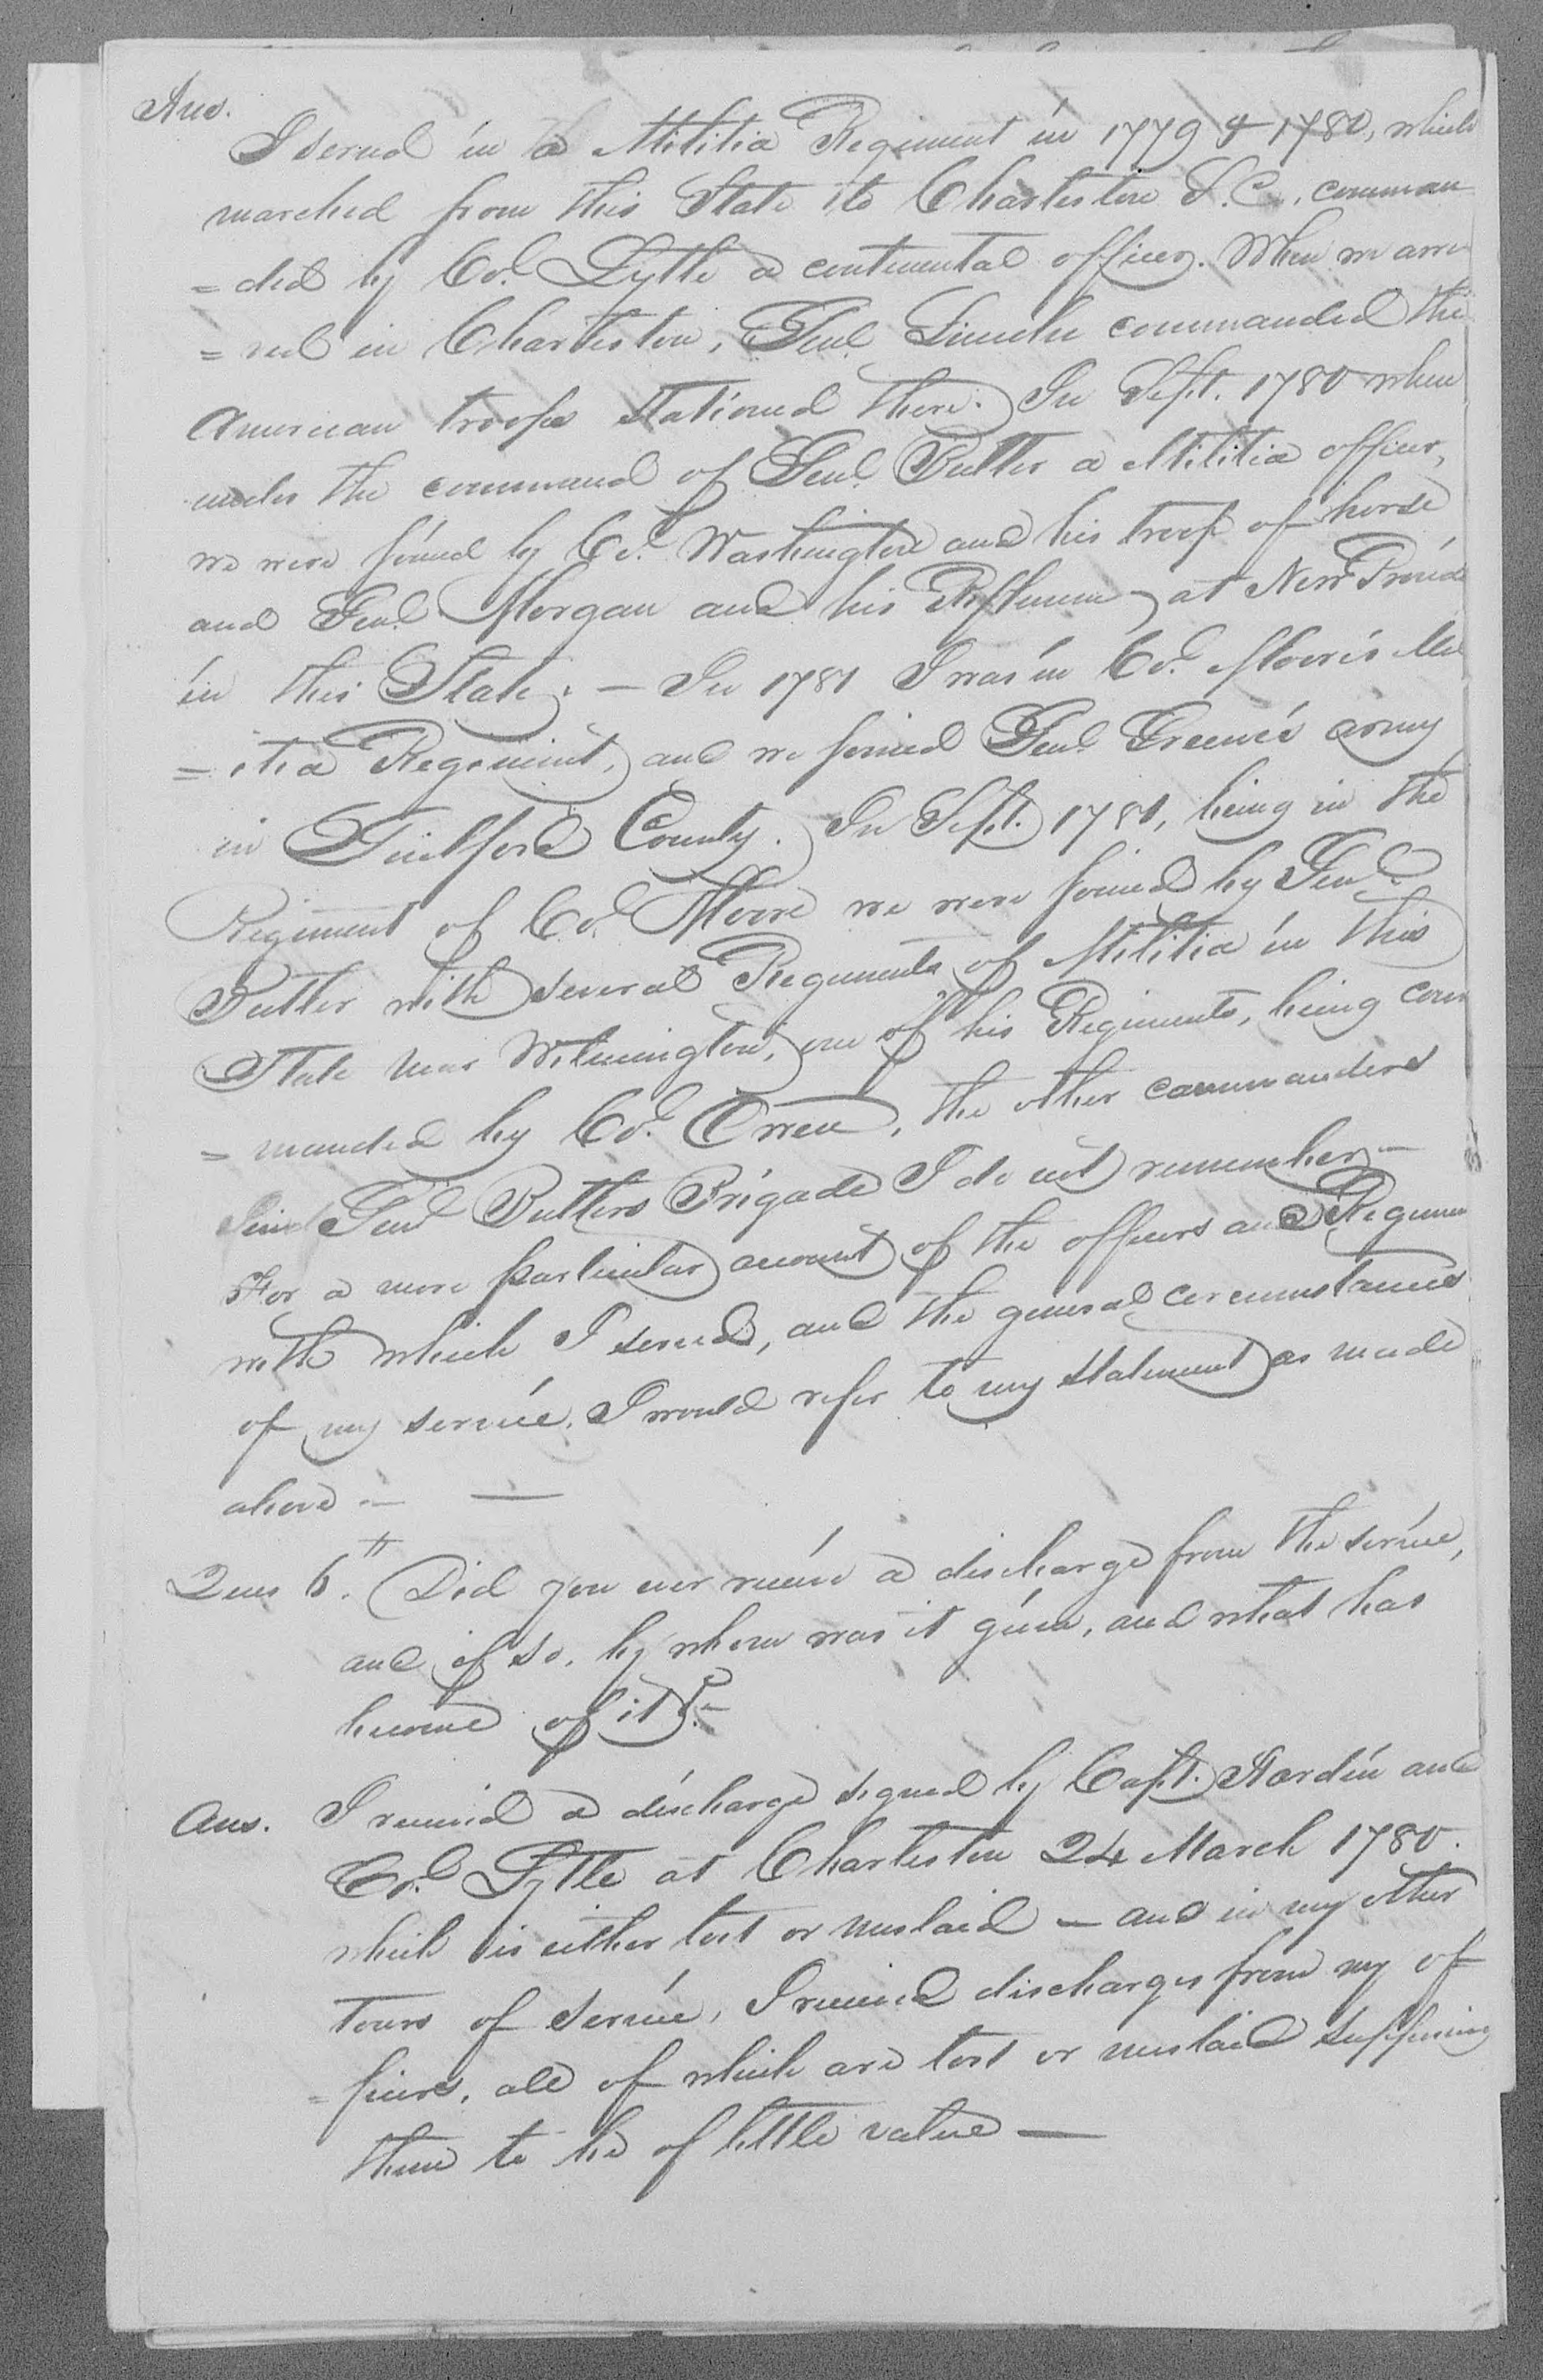Ans: I served in a Militia Regiment in 1779 & 1780, which marched from this State to Charleston S. C., commanded by Col. [Colonel] Lytle a continental officer, when we arrived in Charleston, Genl [General] Lincoln commanded the American troops stationed there. In Sept. 1780 when under the command of Genl [General] Butler a Militia officer, we were joined by Col [Colonel] Washington and his troop of horse and Genl [General] Morgan and his Riflemen, at New Providence in this State. In 1781 I was in Col. Moore's Militia Regiment, and we joined Genl [General] Greene's Army in Guilford County. In Sept. 1781, being in the Regiment of Col. [Colonel] Moore, we were joined by Genl [General] Butler with several Regiments of Militia in this State near Wilmington, one of his Regiments, being commanded by Col. [Colonel] Owen, the other commander in Genl [General] Butler's Brigade I do not remember - For a more particular account of the officers and Regiments with which I served, and the general circumstances of my service, I would refer to my statement as made above. - 
Ques 6th Did you ever receive a discharge from the service, and if so, by whom was it given and what has become of it? 
Ans: I received a discharge signed by Capt [Captain] Hardin and Col [Colonel] Lytle at Charleston 24 March 1780 which is either lost or mislaid – and in my other tours of service, I received discharges from my officers, all of which are lost or mislaid supposing them to be of little value -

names: Owen, Lytle, Lytle, Moore, Butler, Hardin, Morgan, Washington, Butler, Lincoln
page: 9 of 23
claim: survivor's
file: S. 6560, David Barker, N.C.